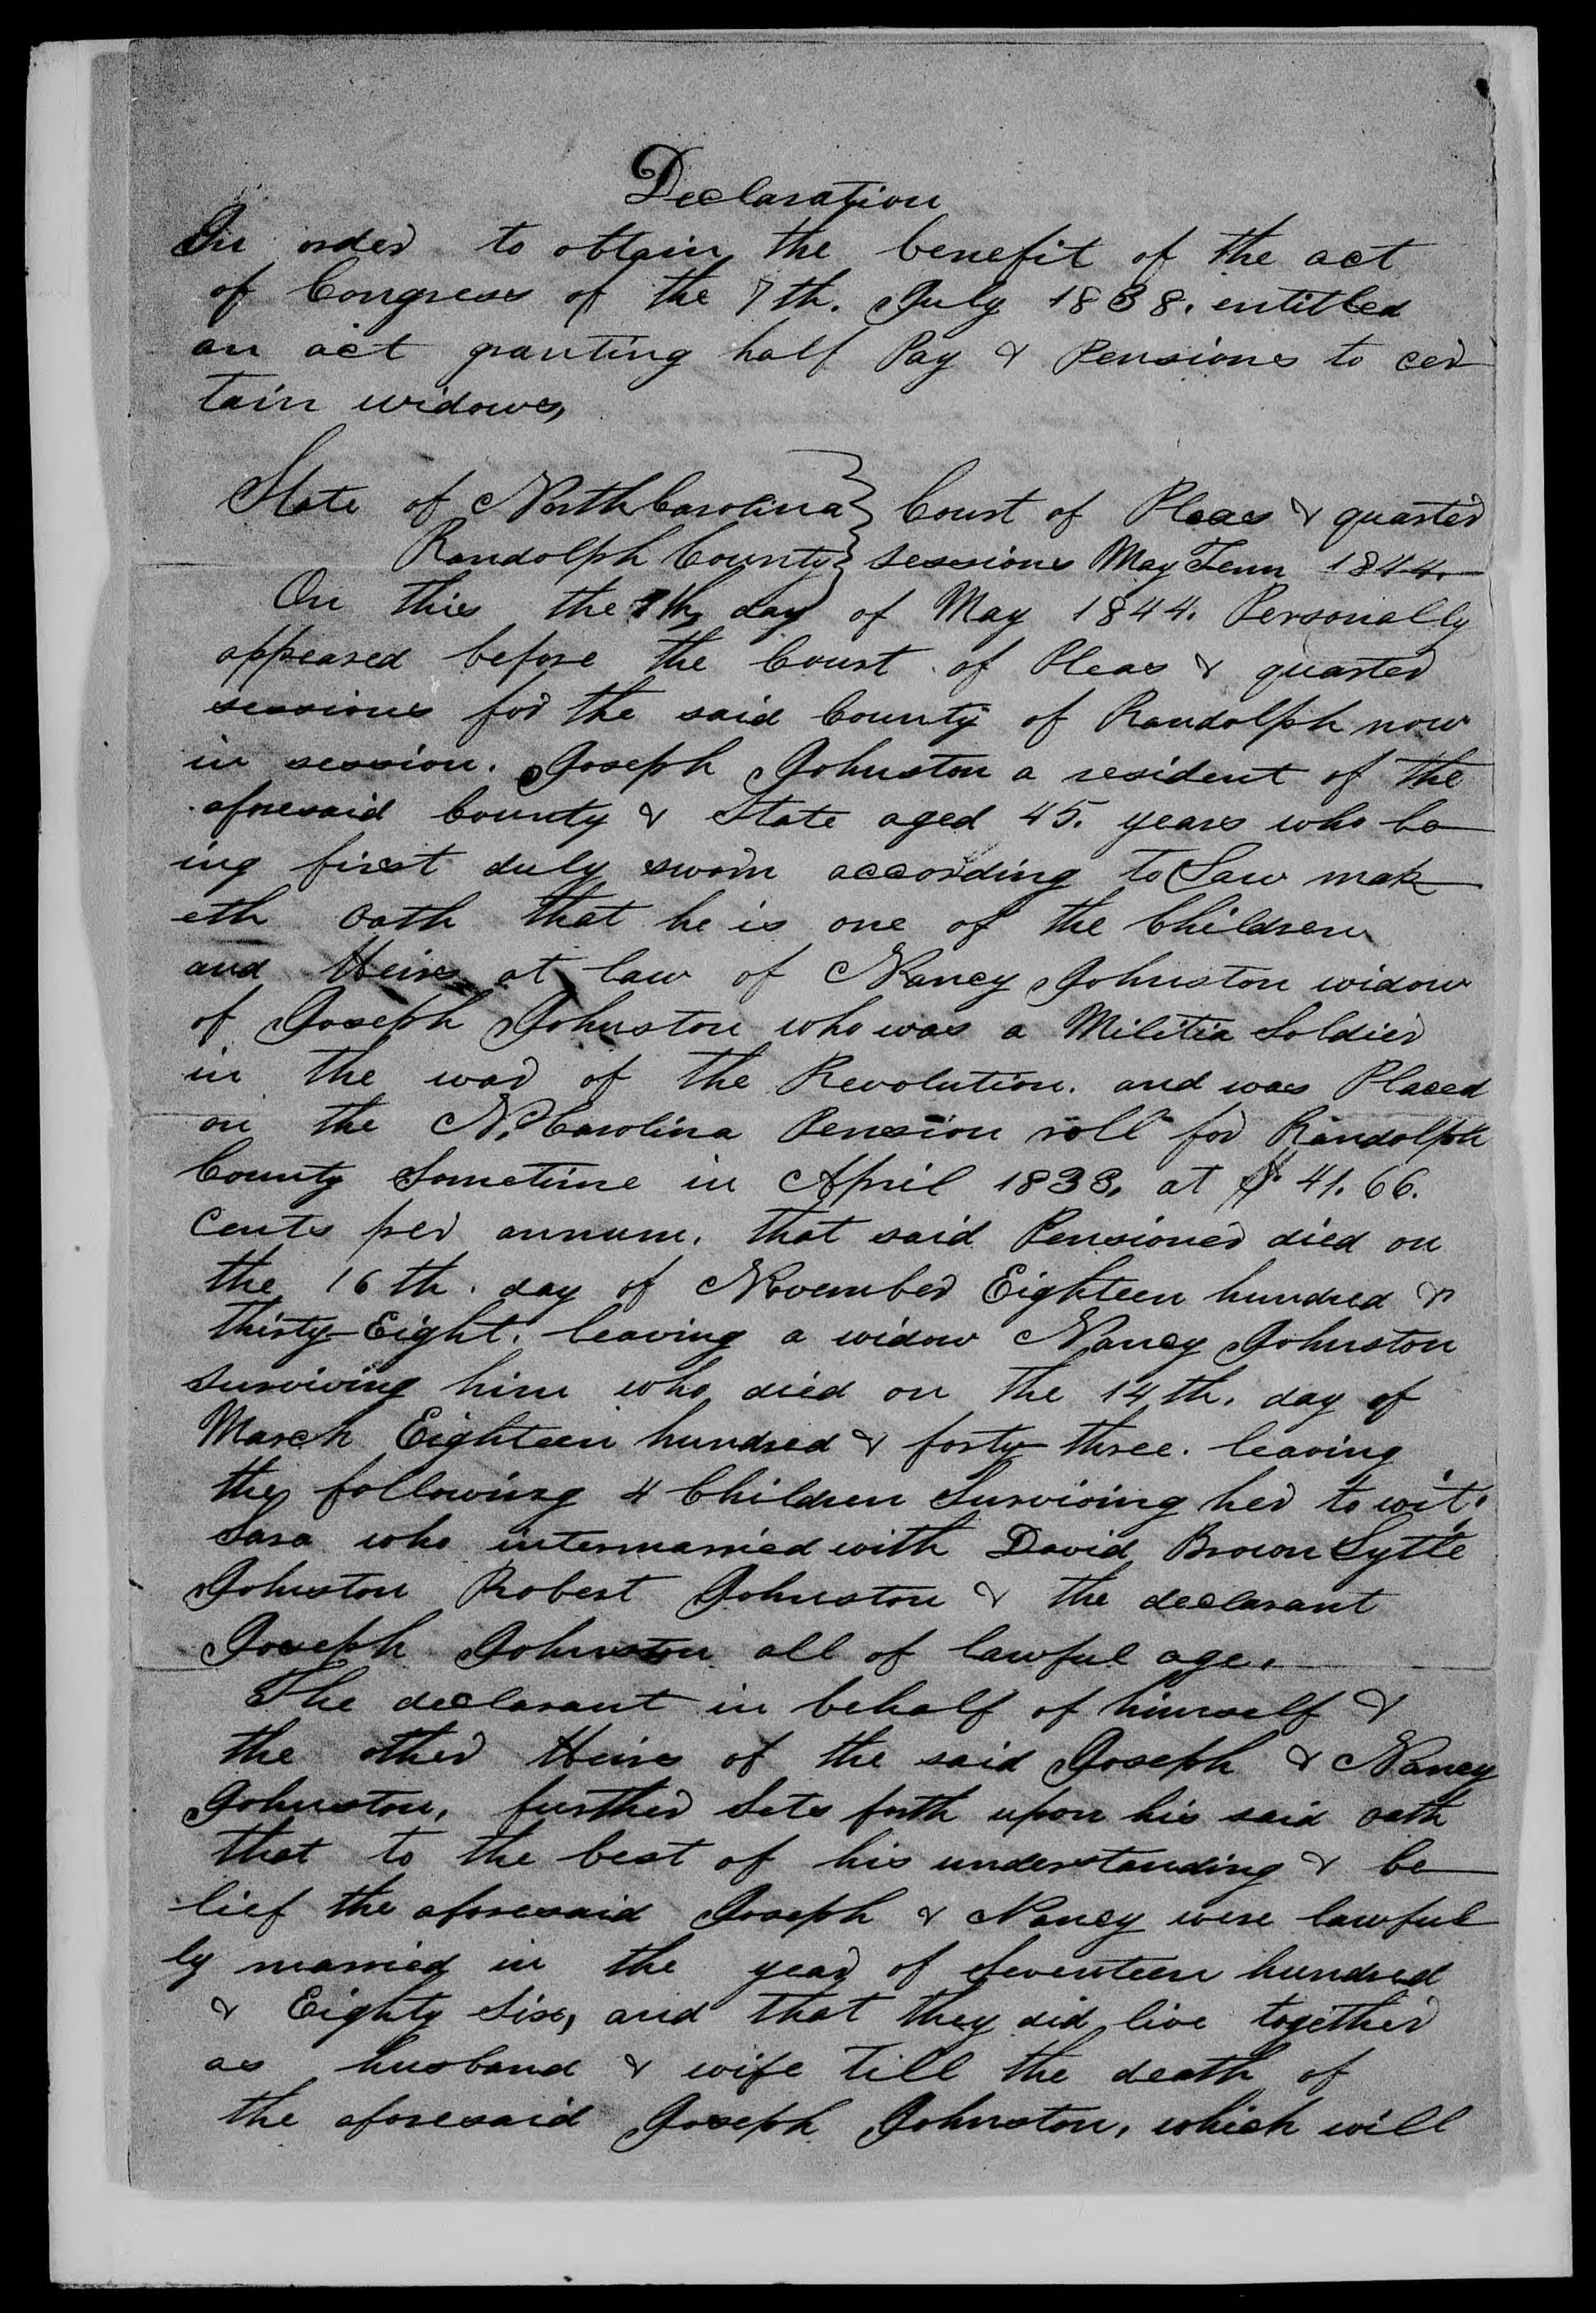Declaration order to obtain the benefit of the act of Congress of the 7th July 1838, entitled an act granting half pay & pensions to certain widows, 

State of North Carolina}
Randolph County} Court of Pleas & quarter Session May Term 1844
On this the 7th day of May 1844, Personally appeared before the Court on of pleas & quarter sessions for the said County of Randolph now in session. Joseph Johnston a resident of the aforesaid County & State aged 45 years who being first duly sworn according to Law maketh Oath that he is one of the Children and heir at law of Nancy Johnston widow of Joseph Johnston who was a Militia Soldier in the war of the Revolution, and was placed on the N Carolina Pension roll for Randolph County sometime in April 1833, at $41.66 cents per annum, that said Pensioner died on the 16th day of November Eighteen hundred & thirty Eight [1838], leaving a widow Nancy Johnston surviving him who died on the 14th day of March Eighteen hundred & forty three [1843] leaving the following 4 Children surviving her to wit: Sara who intermarried with David Brown Lytle Johnston Robert Johnston & the declarant Joseph Johnston all of lawful age. 
The declarant in behalf of himself & the other heirs of the said Joseph & Nancy Johnston, further sets forth upon his said oath that to the best of his understanding & belief the aforesaid Joseph & Nancy were lawfully married in the year of Seventeen hundred & Eighty Six [1786], and that they did live together as husband & wife till the death of the aforesaid Joseph Johnston, which will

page: 6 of 41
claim: widow's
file: W. 5033, for Joseph Johnston, North Carolina